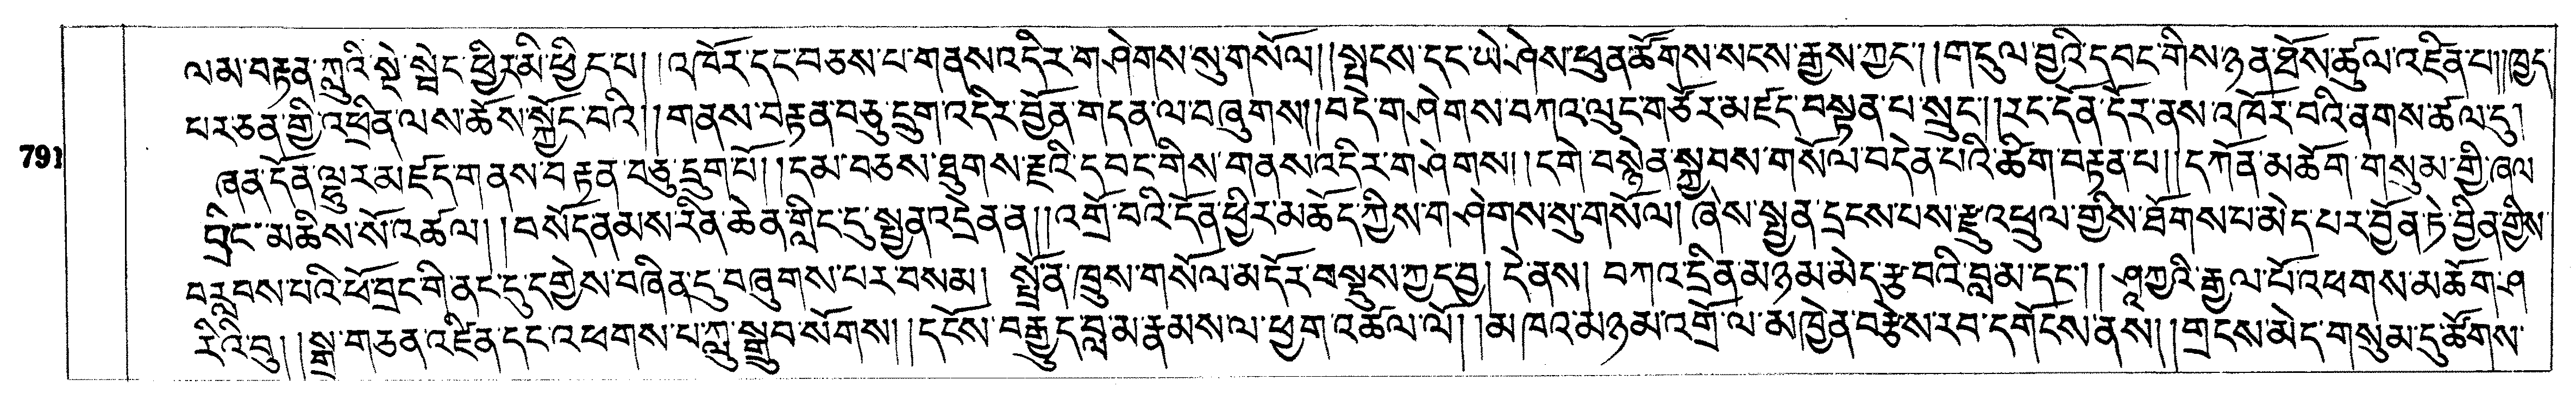ལམ་བརྟན་ཀླུའི་སྡེ་སྦེད་ཕྱིར་མི་ཕྱིད་པ། །འཁོར་དང་བཅས་པ་གནས་འདིར་གཤེགས་སུ་གསོལ། །སྤངས་དང་ཡེ་ཤེས་ཕུན་ཚོགས་སངས་རྒྱས་ཀྱང་། །གདུལ་བྱའི་དབང་གིས་ཉན་ཐོས་ཚུལ་འཛིན་པ། །ཁྱད་
པར་ཅན་གྱི་འཕྲིན་ལས་ཆོས་སྐྱོང་བའི། །གནས་བརྟན་བཅུ་དྲུག་འདིར་བྱོན་གདན་ལ་བཞུགས། །བདེ་གཤེགས་བཀའ་ལུང་གཙོར་མཛད་བསྟན་པ་སྲུང་། །རང་དོན་དོར་ནས་འཁོར་བའི་ནགས་ཚལ་དུ།
ཞན་དོན་ལྷུར་མཛད་གནས་བརྟན་བཅུ་དྲུག་པོ། །དམ་བཅས་ཐུགས་རྗེའི་དབང་གིས་གནས་འདིར་གཤེགས། །དགེ་བསྙེན་སྐྱབས་གསོལ་བདེན་པའི་ཚིག་བརྟན་པ། །དཀོན་མཆོག་གསུམ་གྱི་ཞལ་
བྲིང་མཆིས་སོ་འཚལ། །བསོད་ནམས་རིན་ཆེན་གླིང་དུ་སྤྱན་འདྲེན་ན། །འགྲོ་བའི་དོན་ཕྱིར་མཆོད་ཀྱིས་གཤེགས་སུ་གསོལ། ཞེས་སྤྱན་དྲངས་པས་རྫུ་འཕྲུལ་གྱིས་ཐོགས་པ་མེད་པར་བྱོན་ཏེ་བྱིན་གྱིས་
བརླབས་པའི་ཕོ་བྲང་གི་ནང་དུ་དགྱེས་བཞིན་དུ་བཞུགས་པར་བསམ། སྤྲོ་ན་ཁྲུས་གསོལ་མདོར་བསྡུས་ཀྱང་བྱ། དེ་ནས། བཀའ་དྲིན་མཉམ་མེད་རྩ་བའི་བླ་མ་དང་། །ཤཱཀྱའི་རྒྱལ་པོ་འཕགས་མཆོག་ཤ་
རིའི་བུ། །སྒྲ་ཅན་འཛིན་དང་འཕགས་པ་ཀླུ་སྒྲུབ་སོགས། །དངོས་བརྒྱུད་བླ་མ་རྣམས་ལ་ཕྱག་འཚལ་ལོ། །མཁའ་མཉམ་འགྲོ་ལ་མཁྱེན་བརྩེས་རབ་དགོངས་ནས། །གྲངས་མེད་གསུམ་དུ་ཚོགས་